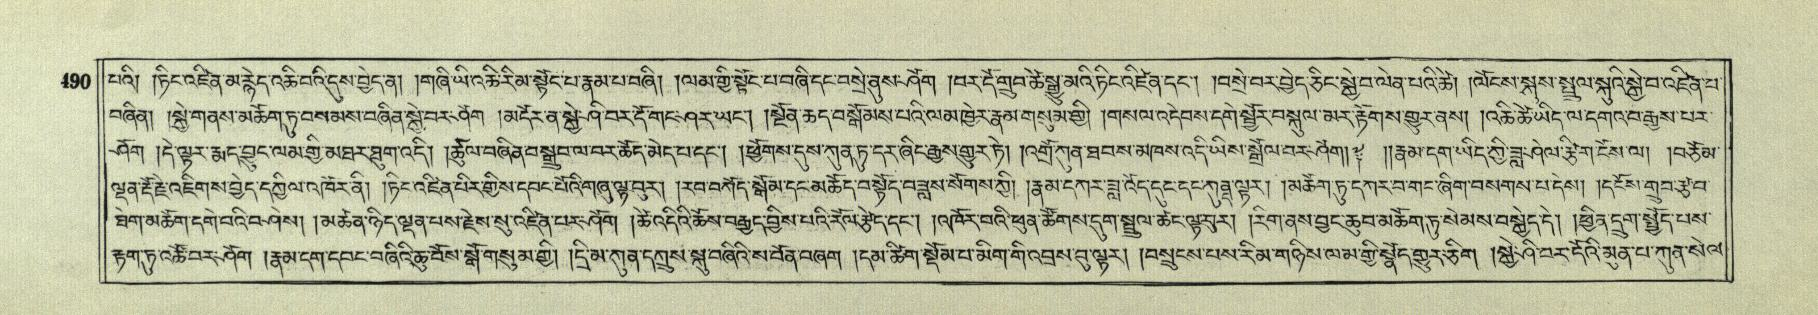པའི། །ཏིང་འཛིན་མ་རྙེད་འཆི་བའི་དུས་བྱེད་ན། །གཞི་ཡི་འཆི་རིམ་སྟོང་པ་རྣམ་པ་བཞི། །ལམ་གྱི་སྟོང་པ་བཞི་དང་བསྲེ་ནུས་ཤོག །བར་དོ་གྲུབ་ཚེ་སྒྱུ་མའི་ཏིང་འཛིན་དང་། །བསྲེ་བར་བྱེད་ཅིང་སྐྱེ་བ་ལེན་པའི་ཚེ། །ལོངས་སྐུས་སྤྲུལ་སྐུའི་སྐྱེ་བ་འཛིན་པ་
བཞིན། །སྐྱེ་གནས་མཆོག་ཏུ་བསམས་བཞིན་སྐྱེ་བར་ཤོག །མདོར་ན་སྐྱེ་ཤི་བར་དོ་གང་ཤར་ཡང་། །སྔོན་ཆད་བསྒོམས་པའི་ལམ་ཁྱེར་རྣམ་གསུམ་གྱི། །གསལ་འདེབས་དགེ་སྦྱོར་བསྐུལ་མར་རྟོགས་གྱུར་ནས། །འཆི་ཚེ་ཡིད་ལ་དགའ་བ་རྒྱས་པར་
ཤོག །དེ་ལྟར་རྨད་བྱུང་ལམ་གྱི་མཐར་ཐུག་འདི། །ཚུལ་བཞིན་བསྒྲུབ་ལ་བར་ཆོད་མེད་པ་དང་། །ཕྱོགས་དུས་ཀུན་ཏུ་དར་ཞིང་རྒྱས་གྱུར་ཏེ། །འགྲོ་ཀུན་ཐབས་མཁས་འདི་ཡིས་སྒྲོལ་བར་ཤོག། འ་།།རྣམ་དག་ཡིད་ཀྱི་ཟླ་ཤེལ་རྩེ་ངོས་ལ། །བཅོམ་
ལྡན་རྡོ་རྗེ་འཇིགས་བྱེད་དཀྱིལ་འཁོར་ནི། །ཏིང་འཛིན་པིར་གྱིས་དབང་པོའི་གཞུ་ལྟ་བུར། །རབ་བཀོད་སྒོམ་དང་མཆོད་བསྟོད་བཟླས་སོགས་ཀྱི། །རྣམ་དཀར་ཟླ་འོད་དུང་དང་ཀུནྡ་ལྟར། །མཆོག་ཏུ་དཀར་བ་གང་ཞིག་བསགས་པ་དེས། །དངོས་གྲུབ་རྩ་བ་
ཐེག་མཆོག་དགེ་བའི་བཤེས། །མཚན་ཉིད་ལྡན་པས་རྗེས་སུ་འཛིན་པར་ཤོག །ཚེ་འདིའི་ཆོས་བརྒྱད་བྱིས་པའི་རོལ་རྩེད་དང་། །འཁོར་བའི་ཕུན་ཚོགས་དུག་སྦྲུལ་ཚང་ལྟ་བུར། །རིག་ནས་བྱང་ཆུབ་མཆོག་ཏུ་སེམས་བསྐྱེད་དེ། །ཕྱིན་དྲུག་སྤྱོད་པས་
རྟག་ཏུ་འཚོ་བར་ཤོག །རྣམ་དག་དབང་བཞིའི་ཆུ་བོས་སྒོ་གསུམ་གྱི། །དྲི་མ་ཀུན་དཀྲུས་སྐུ་བཞིའི་ས་བོན་བཞག །དམ་ཚིག་སྡོམ་པ་མིག་གི་འབྲས་བུ་ལྟར། །བསྲུངས་པས་རིམ་གཉིས་ལམ་གྱི་སྣོད་གྱུར་ཅིག །སྐྱེ་ཤི་བར་དོའི་མུན་པ་ཀུན་སེལ་